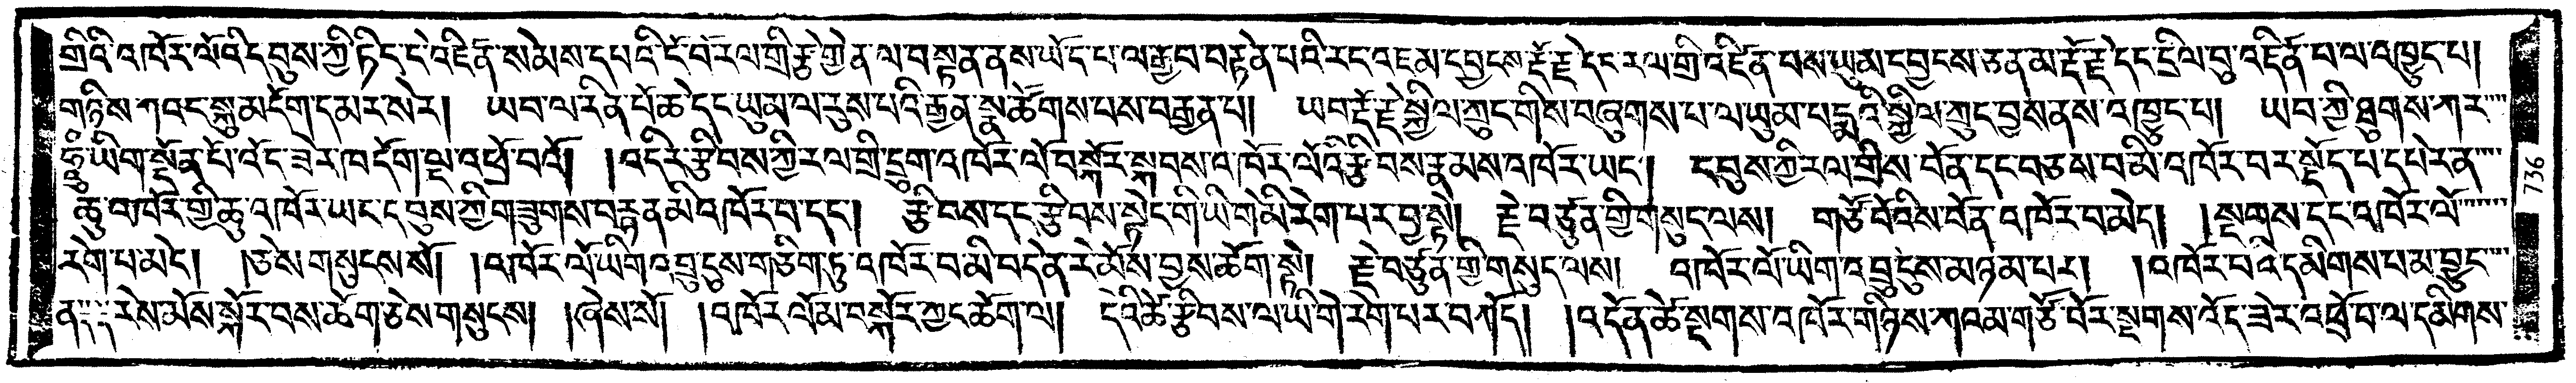གྲིའི་འཁོར་ལོའི་དབུས་ཀྱི་ཏིང་ངེ་འཛིན་སེམས་དཔའི་ངོ་བོ་རལ་གྲི་རྩེ་གྱེན་ལ་བསྟན་ནས་ཡོད་པ་ལ་རྒྱབ་བརྟེན་པའི་རང་འཇམ་དབྱངས་རྡོ་རྗེ་དང་རལ་གྲི་འཛིན་པས་ཡུམ་དབྱངས་ཅན་མ་རྡོ་རྗེ་དང་དྲིལ་བུ་འཛིན་པ་ལ་འཁྱུད་པ།
གཉིས་ཀའང་སྐུ་མདོག་དམར་སེར། ཡབ་ལ་རིན་པོ་ཆེ་དང་ཡུམ་ལ་རུས་པའི་རྒྱན་སྣ་ཚོགས་པས་བརྒྱན་པ། ཡབ་རྡོ་རྗེ་སྐྱིལ་ཀྲུང་གིས་བཞུགས་པ་ལ་ཡུམ་པདམའི་སྐྱིལ་ཀྲུང་བྱས་ནས་འཁྱུད་པ། ཡབ་ཀྱི་ཐུགས་ཀར་
ཧཱུཾ་ཡིག་སྔོན་པོ་འོད་ཟེར་ཁ་དོག་ལྔ་འཕྲོ་བའོ། །འདིར་རྩིབས་ཀྱི་རལ་གྲི་དྲུག་འཁོར་ལོ་བསྐོར་སྐབས་འཁོར་ལོའི་རྩིབས་རྣམས་འཁོར་ཡང་། དབུས་ཀྱི་རལ་གྲི་ས་བོན་དང་བཅས་བ་མི་འཁོར་བར་སྡོད་པ་དཔེར་ན་
ཆུ་འཁོར་གྱི་ཆུ་འཁོར་ཡང་དབུས་ཀྱི་གཟུགས་བརྙན་མི་འཁོར་བ་དང་། རྩིབས་དང་རྩིབས་སྟེང་གི་ཡི་གེ་མི་རེག་པར་བྱ་སྟེ། རྗེ་བཙུན་གྱི་གསུང་ལས། གཙོ་བོའི་ས་བོན་འཁོར་བ་མེད། །སྔགས་དང་འཁོར་ལོ་
རེག་པ་མེད། །ཅེས་གསུངས་སོ། །འཁོར་ལོ་ཡིག་འབྲུ་དུས་གཅིག་ཏུ་འཁོར་བ་མི་བདེན་རེ་མོས་བྱས་ཆོག་སྟེ། རྗེ་བཙུན་གྱི་གསུང་ལས། འཁོར་ལོ་ཡིག་འབྲུ་དུས་མཉམ་པར། །འཁོར་བའི་དམིགས་པ་མ་བྱུང་
ན༑ ༑རེས་མོས་སྐོར་བས་ཆོག་ཅེས་གསུངས། །ཞེས་སོ། །འཁོར་ལོ་མ་བསྐོར་ཀྱང་ཆོག་ལ། དེའི་ཚེ་རྩིབས་ལ་ཡི་གེ་རེག་པར་བཀོད། །འདོན་ཚེ་སྔགས་འཁོར་གཉིས་ཀའམ་གཙོ་བོར་སྔགས་འོད་ཟེར་འཕྲོ་བ་ལ་དམིགས་